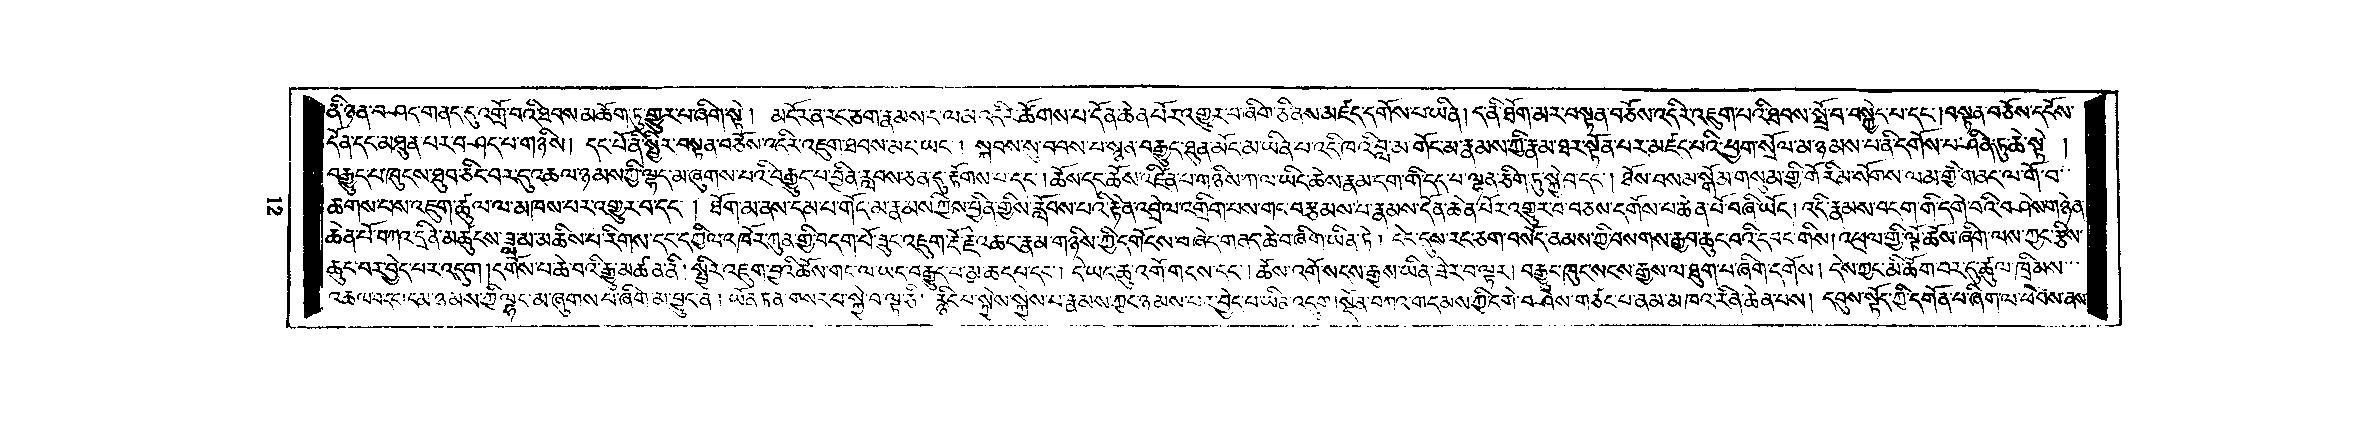ནི་ཉན་བཤད་གནང་དུ་འགྲོ་བའི་ཐབས་མཆོག་ཏུ་གྱུར་པ་ཞིག་སྟེ། མདོར་ན་རང་ཅག་རྣམས་ད་ལམ་འདིར་ཚོགས་པ་དོན་ཆེན་པོར་འགྱུར་བ་ཞིག་ཅི་ནས་མཛད་དགོས་པ་ཡིན། ད་ནི་ཐོག་མར་བསྟན་བཅོས་འདིར་འཇུག་པའི་ཐབས་སྤྲོ་བ་བསྐྱེད་པ་དང་། བསྟན་བཅོས་དངོས་
དོན་དང་མཐུན་པར་བཤད་པ་གཉིས། དང་པོ་ནི་སྤྱིར་བསྟན་བཅོས་འདིར་འཇུག་ཐབས་མང་ཡང་། སྐབས་སུ་བབས་པ་སྙན་བརྒྱུད་ཐུན་མོང་མ་ཡིན་པ་འདི་ཁའི་བླ་མ་གོང་མ་རྣམས་ཀྱི་རྣམ་ཐར་སྟོན་པར་མཛད་པའི་ཕྱག་སྲོལ་མ་ཉམས་པ་ནི་དགོས་པ་ཤིན་ཏུ་ཆེ་སྟེ།
བརྒྱུད་པ་ཁུངས་ཐུབ་ཅིང་བར་དུ་འཆལ་ཉམས་ཀྱི་ལྷད་མ་ཞུགས་པའི་བརྒྱུད་པ་བྱིན་རླབས་ཅན་དུ་རྟོགས་པ་དང་། ཆོས་དང་ཆོས་འཛིན་པ་གཉིས་ཀ་ལ་ཡིད་ཆེས་རྣམ་དག་གི་དད་པ་ལྷན་ཅིག་ཏུ་སྐྱེ་བ་དང་། ཐོས་བསམ་སྒོམ་གསུམ་གྱི་གོ་རིམ་སོགས་ལམ་གྱི་གནད་ལ་གོ་བ་
ཆགས་པས་འཇུག་ཚུལ་ལ་མཁས་པར་འགྱུར་བ་དང་། ཐོག་མ་ནས་དམ་པ་གོང་མ་རྣམས་ཀྱིས་བྱིན་གྱིས་རློབས་པའི་རྟེན་འབྲེལ་འགྲིག་པས་གང་བརྩམས་པ་རྣམས་དོན་ཆེན་པོར་འགྱུར་བ་བཅས་དགོས་པ་ཆེན་པོ་བཞི་ཡོད། འདི་རྣམས་བདག་གི་དགེ་བའི་བཤེས་གཉེན་
ཆེན་པོ་བཀའ་དྲིན་མཚུངས་ཟླ་མ་མཆིས་པ་རིགས་དང་དཀྱིལ་འཁོར་ཀུན་གྱི་བདག་པོ་ཟུང་འཇུག་རྡོ་རྗེ་འཆང་རྣམ་གཉིས་ཀྱི་དགོངས་བཞེད་གནད་ཆེ་བ་ཞིག་ཡིན་ཏེ། དེང་དུས་རང་ཅག་བསོད་ནམས་ཀྱི་བསགས་རྒྱབ་ཆུང་བའི་དབང་གིས། འཕྲལ་གྱི་ལྟོ་ཆོས་ཞིག་ལས་ཀྱང་རྩིས་
ཆུང་བར་བྱེད་པར་འདུག །དགོས་པ་ཆེ་བའི་རྒྱུ་མཚན་ནི། སྤྱིར་འཇུག་བྱའི་ཆོས་གང་ལ་ཡང་བརྒྱུད་པ་མ་ཆད་པ་དང་། དེ་ཡང་ཆུ་འགོ་གངས་དང་། ཆོས་འགོ་སངས་རྒྱས་ཡིན་ཟེར་བ་ལྟར། བརྒྱུད་ཁུང་སངས་རྒྱས་ལ་ཐུག་པ་ཞིག་དགོས། དེས་ཀྱང་མི་ཆོག་བར་དུ་ཚུལ་ཁྲིམས་
འཆལ་བ་དང་། དམ་ཉམས་ཀྱི་ལྷང་མ་ཞུགས་པ་ཞིག་མ་བྱུང་ན། ཡོན་ཏན་གསར་པ་སྐྱེ་བ་ལྟ་ཅི། རྙིང་པ་སྐྱེས་སྐྱེས་པ་རྣམས་ཀྱང་ཉམས་པར་བྱེད་པ་ཡིན་འདུག །སྔོན་བཀའ་གདམས་ཀྱི་དགེ་བཤེས་གཙང་པ་ནམ་མཁའ་རིན་ཆེན་པས། དབུས་སྟོད་ཀྱི་དགོན་པ་ཞིག་ལ་ཕེབས་ནས་